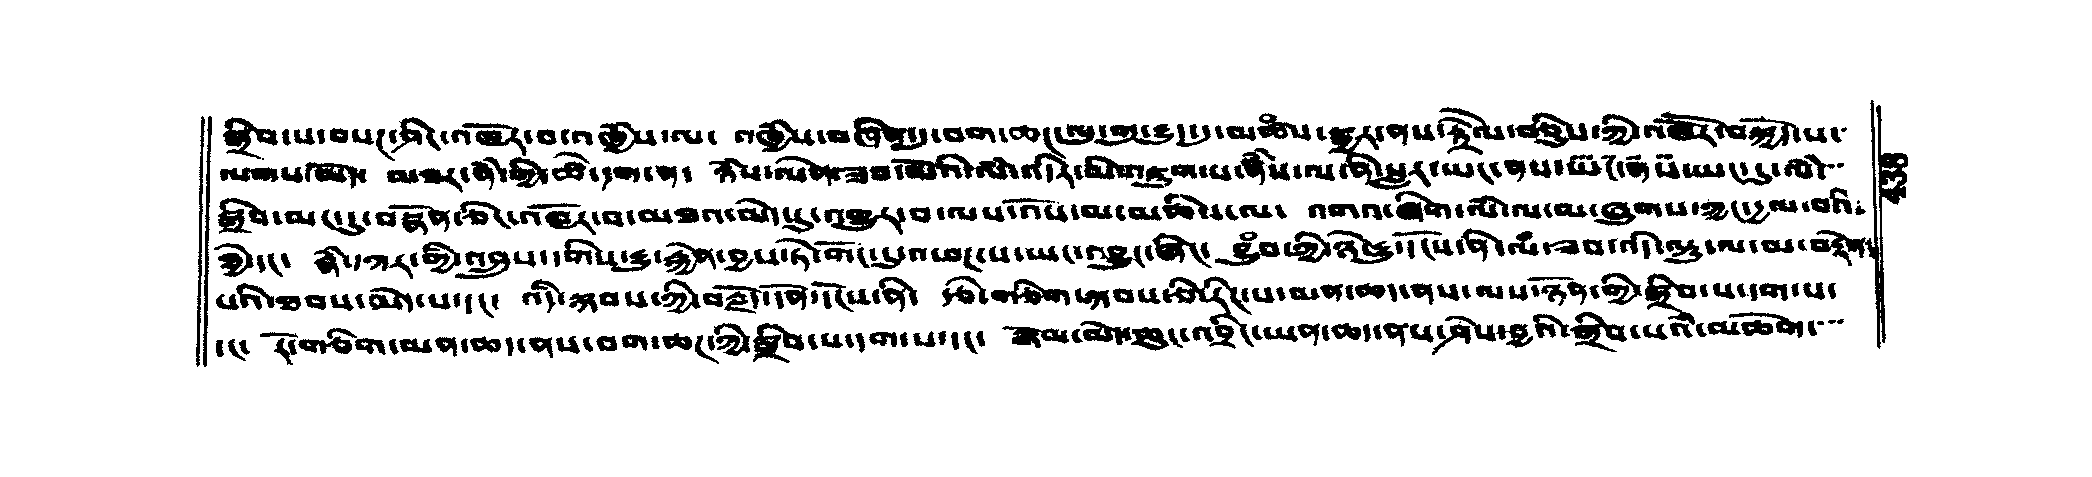སྒྲིབ་པ་བསགས་ཤིང་འཁོར་བ་འཁྱམས་ལ། འཁྱམས་བཞིན་དུ་བག་ཆགས་ལུ་གུ་རྒྱུད་དུ་མཚམས་སྦྱར་ནས་རྟེན་འབྲེལ་བཅུ་གཉིས་ཀྱི་འཁོར་ལོ་བསྐྱེད་པ་
ལགས་མོད། མཐར་ནམ་གྱི་ཚེ་དག་ན། ཉམས་ལེན་ཟབ་མོའི་ལམ་འདིར་མི་འཇུག་པ་རྣམས་ལ་ནི་སླར་ཡང་ནས་ཡང་ནས་ཡང་དུ་ལམ་
སྒྲིབ་མང་དུ་བསྣོན་ཅིང་འཁོར་བ་མཐའ་མེད་དུ་འགྱུར་བ་ལས་འོས་མ་མཆིས་ལ། འགའ་ཞིག་ལམ་ལ་མ་ཞུགས་ཀྱང་རྒྱལ་བའི་
ཐུགས་རྗེ་དང་། རྣམ་དཀར་གྱི་འབྲས་བུ་དག་གིས་རྒྱུ་རྐྱེན་བྱས་ཏེ་གོང་དུ་འཕགས་པ་ཡང་འབྱུང་ཞིང་། བྱང་ཆུབ་ཀྱི་ཉེ་རྒྱུ་དངོས་ནི་ལམ་ཟབ་འདི་ལྟ་བུ་ལ་མ་བརྟེན་
པའི་ཐབས་མེད་པ་དང་། འདི་སྐབས་ཀྱི་བརྗོད་དོན་དངོས་ནི། རྩེ་གཅིག་སྐབས་ཅི་རིགས་པ་མན་ཆད་ནས་ལས་ཉོན་གྱི་སྒྲིབ་པ་དག་པ་དང་། 
རོ་གཅིག་མན་ཆད་ནས་བག་ཆགས་ཀྱི་སྒྲིབ་པ་དག་པ་དང་། སྒོམ་མེད་ཆུང་འབྲིང་ཡན་ཆད་ནས་ཤེས་བྱའི་སྒྲིབ་པའམ་མཆོག་